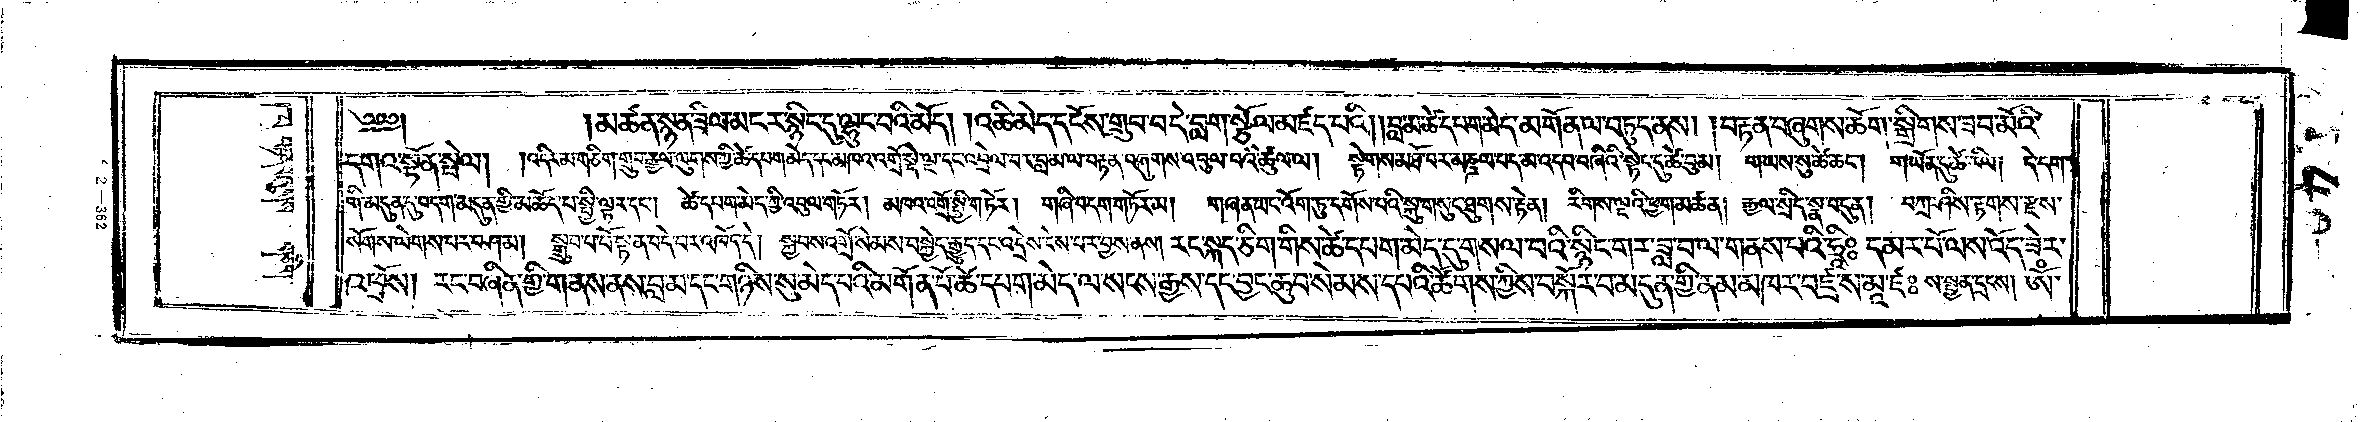མཚན་སྙན་ཟིལ་མངར་སྙིང་དུ་ལྷུང་བའི་མོད། །འཆི་མེད་དངོས་གྲུབ་བདེ་བླག་སྩོལ་མཛད་པའི། །བླ་མ་ཚེ་དཔག་མེད་མགོན་ལ་བཏུད་ནས། །བརྟན་བཞུགས་ཆོག་སྒྲིགས་ཟབ་མོའི་
དགའ་སྟོན་སྤེལ། །འདིར་མ་གཅིག་གྲུབ་རྒྱལ་ལུགས་ཀྱི་ཚེ་དཔག་མེད་དང་མཁའ་འགྲོ་སྡེ་ལྔ་དང་འབྲེལ་བར་བླ་མ་ལ་བརྟན་བཞུགས་འབུལ་བའི་ཚུལ་ལ། སྟེགས་མཐོ་པར་མཎྜལ་བད་མ་འདབ་བཞིའི་སྟེང་དུ་ཚེ་བུམ། ག་ལས་སུ་ཚེ་ཆང་། གཡོན་དུ་ཚེ་རིལ༑ དེ་དག་
གི་མདུན་དུ་བདག་མདུན་གྱི་མཆོད་པ་སྤྱི་ལྟར་དང་། ཚེ་དཔག་མེད་ཀྱི་འབུལ་གཏོར། མཁའ་འགྲོ་སྤྱི་གཏོར། གཞི་བདག་གཏོར་མ། གཞན་ཡང་འོག་ཏུ་དགོས་པའི་སྐུ་གསུང་ཐུགས་རྟེན། རིགས་ལྔའི་ཕྱག་མཚན། རྒྱལ་སྲིད་སྣ་བདུན། བཀྲ་ཤིས་རྟགས་རྫས་
སོགས་ལེགས་པར་བཤམ། སྒྲུབ་པ་པོ་སྟན་བདེ་བར་འཁོད་དེ། སྐྱབས་འགྲོ་སེམས་བསྐྱེད་རྒྱུད་དང་འདྲེས་ངེས་པར་བྱས་ནས། རང་སྐད་ཅིག་གིས་ཚེ་དཔག་མེད་དུ་གསལ་བའི་སྙིང་གར་ཟླ་བ་ལ་གནས་པའི་ཧྲཱིཿདམར་པོ་ལས་འོད་ཟེར་
འཕྲོས། རང་བཞིན་གྱི་གནས་ནས་བླ་མ་དང་གཉིས་སུ་མེད་པའི་མགོན་པོ་ཚེ་དཔག་མེད་ལ་སངས་རྒྱས་དང་བྱང་ཆུབ་སེམས་དཔའི་ཚོགས་ཀྱིས་བསྐོར་བ་མདུན་གྱི་ནམ་མཁར་བཛྲ་ས་མཱ་ཛཿས་སྤྱན་དྲངས།  ཨོཾ་